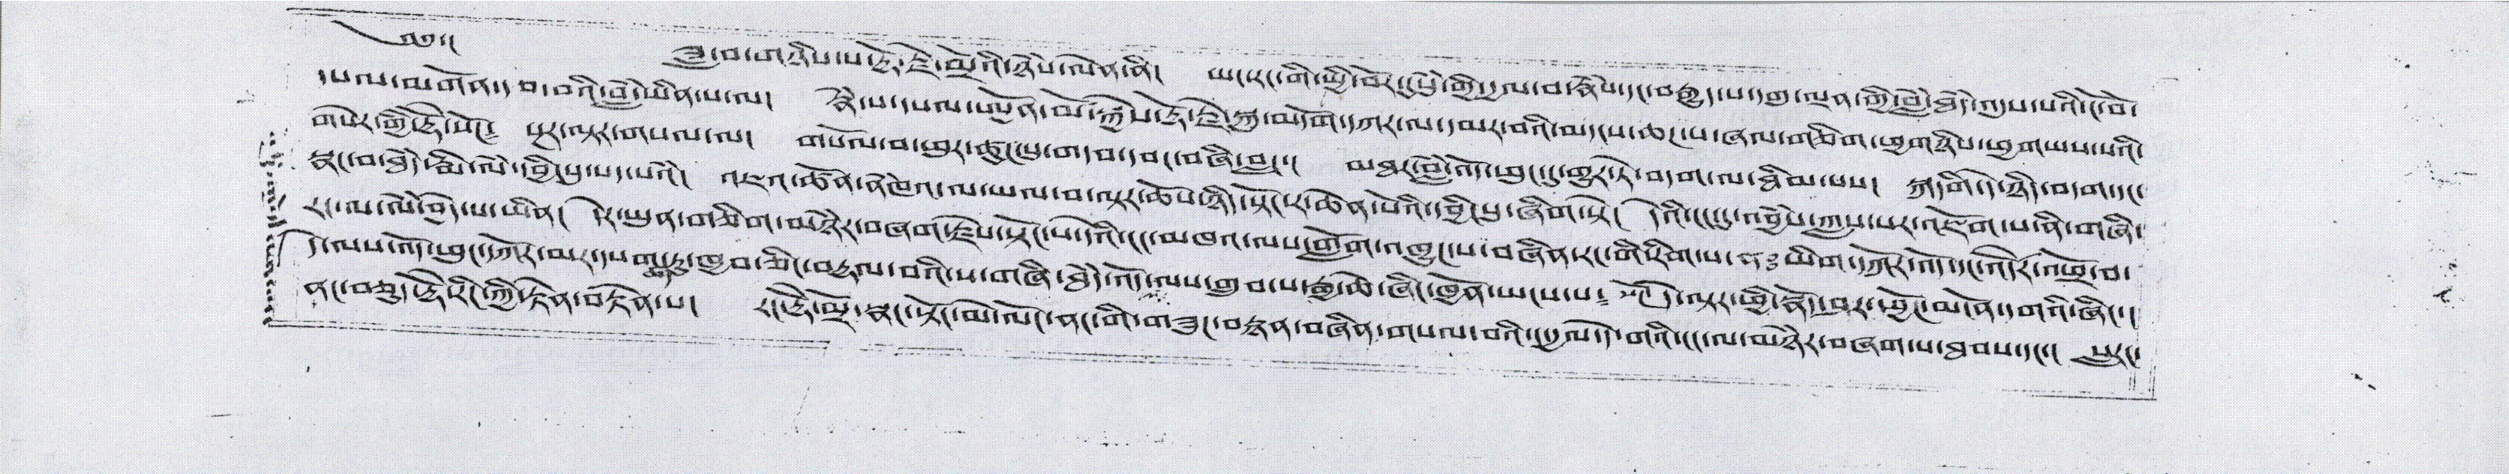ཟླ་བ་གཉིས་པ་རྡོ་རྗེ་མཁའ་འགྲོའི་ཉམས་ལེན་ནི། ཡང་རང་གི་སྤྱི་བོར་དུས་གསུམ་གྱི་རྒྱལ་བ་རྣམས་དང་བརྒྱུད་པ་དགུ་ལྡན་གྱི་བླ་མ་ཐམས་ཅད་འདུས་པའི་ངོ་བོ་
དཔལ་མགོན་རྩ་བའི་བླ་མ་ཡིན་པ་ལ། རྣམ་པ་དཔལ་ཨོ་རྒྱན་མི་སྐྱེས་རྡོ་རྗེ་སྐུ་མདོག་དཀར་ལ་དམར་བའི་མདངས་ཆགས་པ་ཞལ་གཅིག་ཕྱག་གཉིས་ཕྱག་གཡས་པའི་
གསེར་གྱི་རྡོ་རྗེ་སོགས། སྔར་ལྟར་གསལ་ལ། གསོལ་བ་ཕུར་ཚུགས་སུ་གདབ་དབང་བཞི་བླང། མཐར་བླ་མ་འོད་ཕུང་དུ་གྱུར་ཏེ་བདག་ལ་ཐིམ་པས། སྐད་ཅིག་དེ་ཉིད་བདག་དང་
སྣང་བ་ཐམས་ཅད་རྨི་ལམ་དབྱིངས་སུ་སད་པའམ། འཇའ་ཚོན་ནམ་མཁའ་ལ་ཡལ་བ་ལྟར་ཆོས་ཉིད་སྟོང་ར་ཆེན་པོའི་དབྱིངས་སུ་ཞིག་སྟེ། དེའི་ངང་དུ་འབྱམས་ཀླས་པར་འཇོག་པ་ནི་གཞི་
རང་ལ་ལམ་བྱེད་པ་ཡིན། དེར་ཡུན་གཅིག་མཉམ་པར་བཞག་རྗེས་སྟོང་པ་དེའི་ངང་མཁའ་ལས་གློག་འཁྱུགས་པ་བཞིན་རང་གི་རིག་པ་ཧཿཡིག་དཀར་པོ་འོད་དང་འོད་ཟེར་འཕྲོ་བ། 
དེ་ལས་འོད་ཕུང་དཀར་པོ་མར་དཔག་ཚད་ཏུ་ཁྱབ་ཅིང་བརྡལ་བའི་ས་གཞི་ཐམས་ཅད་འོད་ལས་གྲུབ་པ་རྒྱ་ཆེ་ཞིང་ཁྱོན་ཡངས་པ་སོགས། དེ་ལྟར་ཕྱི་སྣོད་ཤར་ཕྱོགས་མངོན་དགའི་ཞིང་། 
ནང་བཅུད་རྡོ་རྗེ་རིགས་ཀྱི་རྟེན་བརྟེན་པ། རང་རྡོ་རྗེ་མཁའ་འགྲོ་སྣང་སྟོང་མེ་ལོང་ནང་གི་གཟུགས་བརྙན་བཞིན་གསལ་བའི་ང་རྒྱལ་དེ་གའི་ངང་ལ་མཉམ་པར་བཞག་པ་ཐབས་དང། སླར་ཡང་